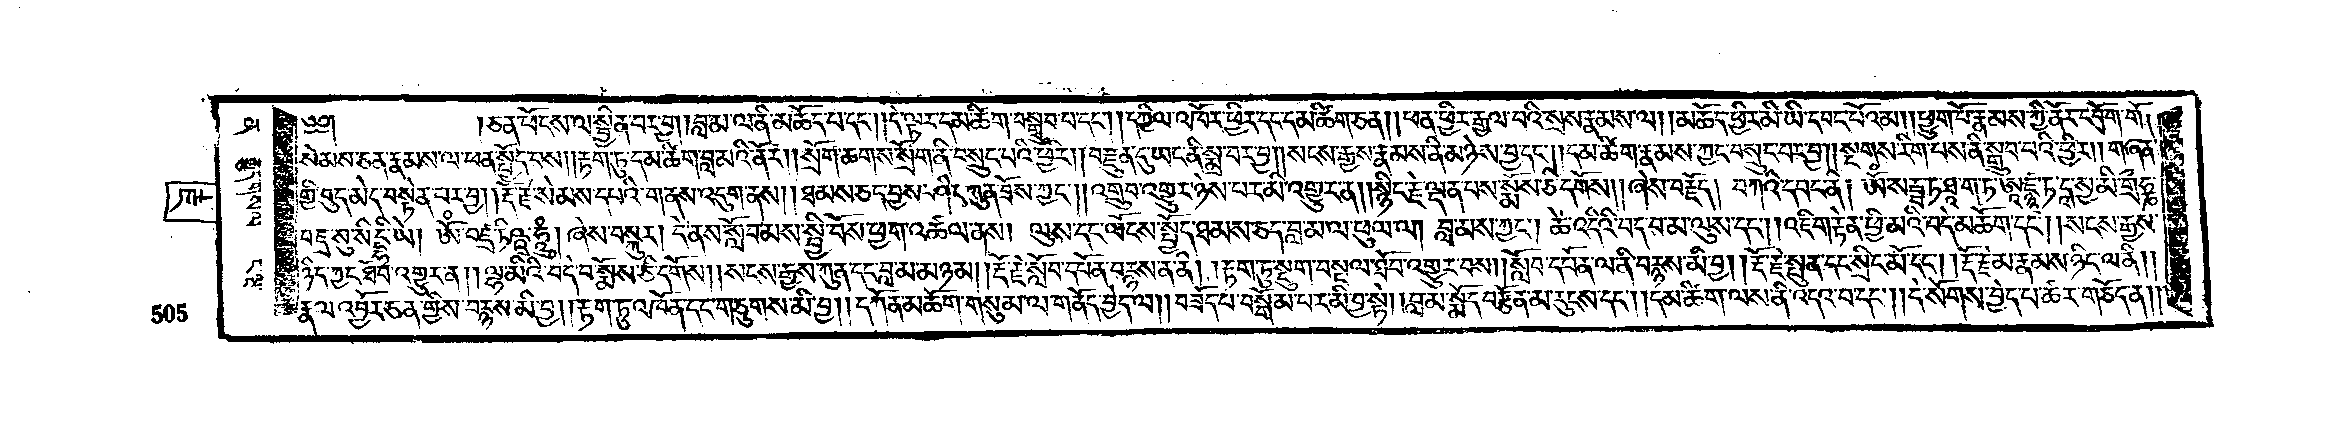༄༅། །ཅན་ཕོངས་ལ་སྦྱིན་པར་བྱ། །བླ་མ་ལ་ནི་མཆོད་པ་དང་། །དེ་ལྟར་དམ་ཚིག་བསྒྲུབ་པ་དང་། །དཀྱིལ་འཁོར་ཕྱིར་དང་དམ་ཚིག་ཅན། །ཕན་ཕྱིར་རྒྱལ་བའི་སྲས་རྣམས་ལ། །མཆོད་ཕྱིར་མི་ཡི་དབང་པོའམ། །ཕྱུག་པོ་རྣམས་ཀྱི་ནོར་དབྲོག་གོ །
སེམས་ཅན་རྣམས་ལ་ཕན་སྤྱོད་བས། །རྟག་ཏུ་དམ་ཚིག་བླ་མའི་ནོར། །སྲོག་ཆགས་སྲོག་ནི་བསྲུང་པའི་ཕྱིར། །བརྫུན་དུ་ཡང་ནི་སྨྲ་བར་བྱ། །སངས་རྒྱས་རྣམས་ནི་མཉེས་བྱ་དང་། །དམ་ཚིག་རྣམས་ཀྱང་བསྲུང་པར་བྱ། །སྔགས་རིག་པས་ནི་སྒྲུབ་པའི་ཕྱིར། །གཞན་
གྱི་བུད་མེད་བསྟེན་པར་བྱ། །རྡོ་རྗེ་སེམས་དཔའི་གནས་འདུག་ནས། །ཐམས་ཅད་བྱས་ཤིང་ཀུན་བྲོས་ཀྱང་། །འགྲུབ་འགྱུར་ཉེས་པར་མི་འགྱུར་ན། །སྙིང་རྗེ་ལྡན་པས་སྨོས་ཅི་དགོས། །ཞེས་བརྗོད། བཀའི་དབང་ནི། ཨོཾ་སརྦྦ་ཏ་ཐཱ་ག་ཏ་ཨཱ་ཛྙ་ཏ་དཱ་སྱ་མི་གྲྀ་ཧྞ་
བཛྲ་སུ་སི་དྡྷི་ཡེ། ཨོཾ་བཛྲ་ཏིཥཊཿཨ་ཧཱུཾ། ཞེས་བསྐུར། དེ་ནས་སློབ་མས་སྤྱི་བོས་ཕྱག་འཚལ་ནས། ལུས་དང་ལོངས་སྤྱོད་ཐམས་ཅད་བླ་མ་ལ་ཕུལ་ལ། བླ་མས་ཀྱང་། ཚེ་འདིའི་བདེ་བ་མ་ལུས་དང་། །འཇིག་རྟེན་ཕྱི་མའི་བདེ་མཆོག་དང་། །སངས་རྒྱས་
ཉིད་ཀྱང་ཐོབ་འགྱུར་ན། །ལྷ་མིའི་བདེ་བ་སྨོས་ཅི་དགོས། །སངས་རྒྱས་ཀུན་དང་བླ་མ་མཉམ། །རྡོ་རྗེ་སློབ་དཔོན་བརྙས་ན་ནི། །རྟག་ཏུ་སྡུག་བསྔལ་ཐོབ་འགྱུར་བས། །སློབ་དཔོན་ལ་ནི་བརྙས་མི་བྱ། །རྡོ་རྗེ་སྤུན་དང་སྲིང་མོ་དང་། །རྡོ་རྗེ་མ་རྣམས་ཉིད་ལ་ནི། །
རྣལ་འབྱོར་ཅན་གྱིས་བརྙས་མི་བྱ། །རྟག་ཏུ་འཁོན་དང་གཙུགས་མི་བྱ། །དཀོན་མཆོག་གསུམ་ལ་གནོད་བྱེད་ལ། །བཟོད་པ་བསྒོམ་པར་མི་བྱ་སྟེ། །བླ་མ་སྨོད་བརྩོན་མ་རུངས་དང་། །དམ་ཚིག་ལས་ནི་འདའ་བ་དང་། །དེ་སོགས་བྱེད་པ་ཚར་གཅོད་ན། །